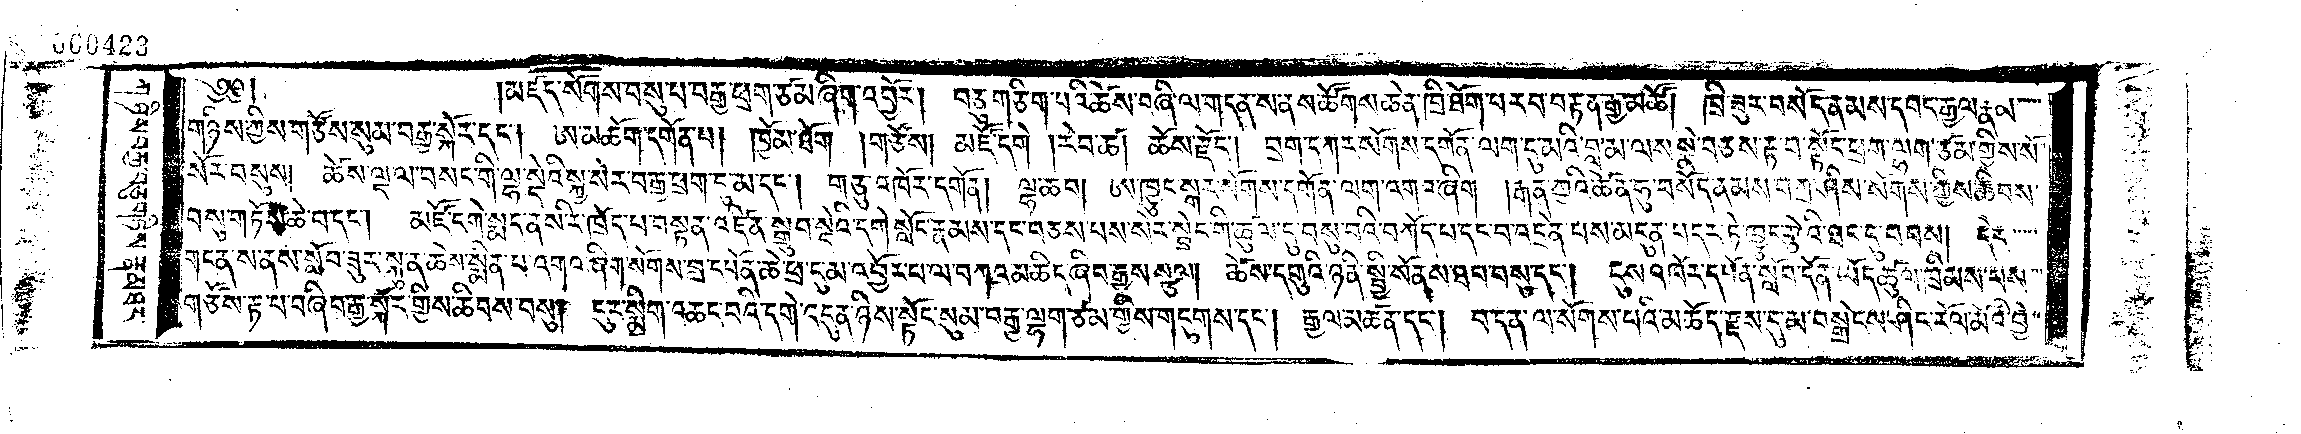༄༅། །མཛད་སོགས་བསུ་བ་བརྒྱ་ཕྲག་ཙམ་ཞིག་འབྱོར། བཅུ་གཅིག་པའི་ཚེས་བཞི་ལ་གདན་ས་ནས་ཚོགས་ཆེན་ཁྲི་ཐོག་པ་རབ་བརྟན་རྒྱ་མཚོ། ཁྲི་ཟུར་བསོད་ནམས་དབང་རྒྱལ་རྣམ་
གཉིས་ཀྱིས་གཙོས་སུམ་བརྒྱ་སྐོར་དང་། ཨ་མཆོག་དགོན་པ། ཁྱོམ་ཐོག །གཙོས། མཛོ་དགེ །རེབ་ཚ། ཆོས་རྫོང་། བྲག་དཀར་སོགས་དགོན་ལག་དུ་མའི་བླ་མ་ལས་སྣེ་བཅས་རྟ་པ་སྟོང་ཕྲག་ལྷག་ཙམ་གྱིས་སོ་
སོར་བསུས། ཚེས་ལྔ་ལ་བསང་གི་ལྷ་སྡེའི་སྐྱ་སེར་བརྒྱ་ཕྲག་དུ་མ་དང་། གཅུ་འཁོར་དགོན། ལྷ་ཆབ། ཨ་ཁྱུང་སྒར་སོགས་དགོན་ལག་འགའ་ཞིག །རྒན་ཀྱའི་ཚེན་ཧུ་བསོད་ནམས་བཀྲ་ཤིས་སོགས་ཀྱིས་ཆིབས་
བསུ་གཏོས་ཆེ་བ་དང་། མཛོ་དགེ་སྨད་ནས་རི་ཁྲོད་པ་བསྟན་འཛིན་སྒྲུབ་སྡེའི་དགེ་སློང་རྣམས་དང་བཅས་པས་སེར་སྦྲེང་གི་ཚུལ་དུ་བསུ་བའི་བཀོད་པ་དང་པ་འདྲེན་པས་མདུན་བདར་ཏེ་ཁྱུང་རྩེའི་ཐང་དུ་བབས། དེར་
གདན་ས་ནས་སློབ་ཟུར་སྐུ་ན་ཆེས་སྨིན་པ་འགའ་ཞིག་སོགས་བླ་དཔོན་ཆེ་ཕྲ་དུ་མ་འབྱོར་པ་ལ་བཀའ་མཆིད་ཞིབ་རྒྱས་སྩལ། ཚེས་དགུའི་ཉིན་སྤྱི་སོ་ནས་ཐབ་བསུ་དང་། དུས་འཁོར་དཔོན་སློབ་དོན་ཡོད་ཚུལ་ཁྲིམས་པས་
གཙོས་རྟ་པ་བཞི་བརྒྱ་སྐོར་གྱིས་ཆིབས་བསུ། དུར་སྨྲིག་འཆང་བའི་དགེ་འདུན་ཉིས་སྟོང་སུམ་བརྒྱ་ལྷག་ཙམ་གྱིས་གདུགས་དང་། རྒྱལ་མཚན་དང་། བ་དན་ལ་སོགས་པའི་མཆོད་རྫས་དུ་མ་བསྒྲེངས་ཤིང་རོལ་མོའི་བྱེ་